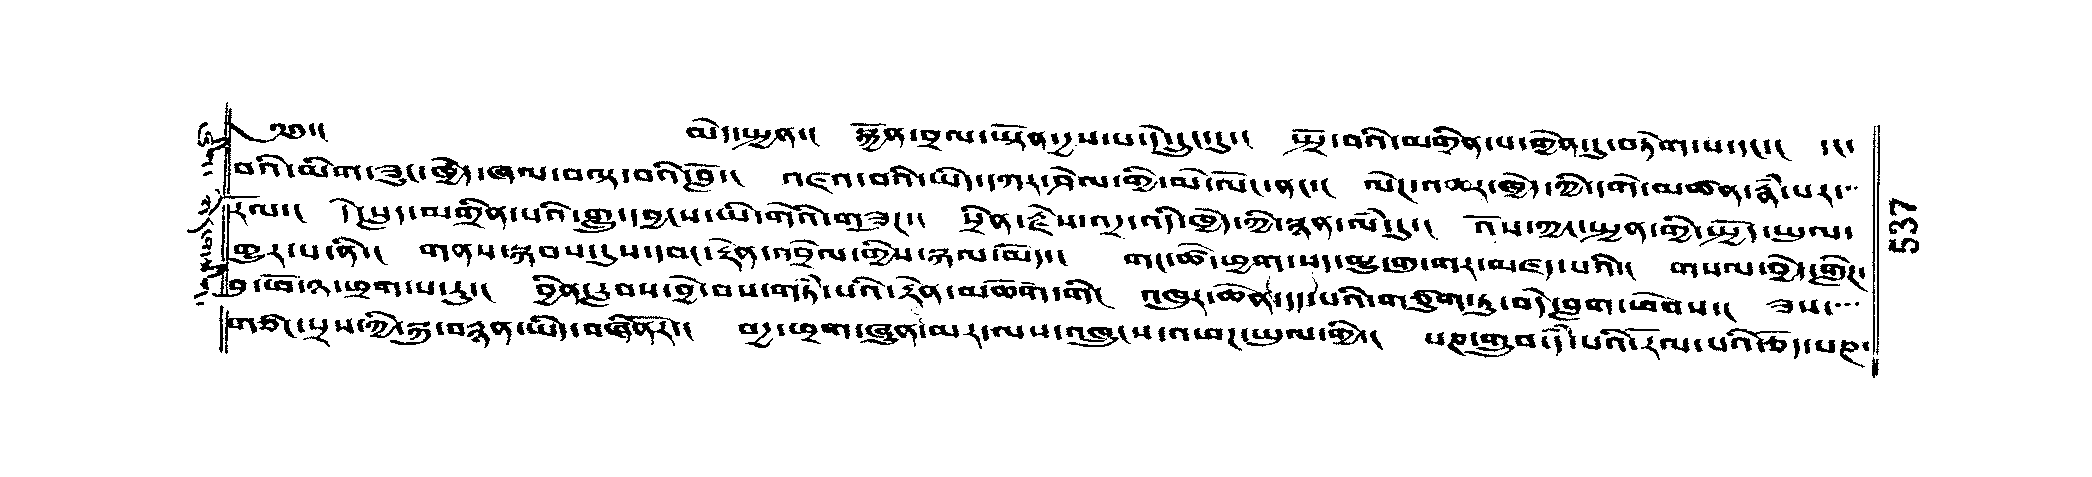མེད་སྤྱན། །སྐྱོན་བྲལ་ཡོན་ཏན་རྒྱས་པ་དེ་དྲུང་དུ། །སྤྲོ་བའི་མགྲིན་པ་གྱེན་དུ་བཏེགས་པ་དང་། །དྭངས་
བའི་མིག་ཟུང་ཁྱེད་ཞལ་བལྟ་བའི་བློ། །འཛའ་བའི་ཡིད་དཀར་ཤེལ་གྱི་མེ་ལོང་ནང་། །ལེགས་འཆར་ཁྱེད་ཀྱི་དགེ་མཚན་རྣམ་པར་
རོལ། །དེ་སླད་མགྲིན་པའི་གླུ་དབྱངས་ཡི་གེའི་གཟུགས། །སྲིན་རྗེས་འདྲ་འདི་ཁྱེད་ཀྱི་སྙན་ལམ་དུ། །འོས་ཀྱང་སྤྱན་གྱི་སྤྱོད་ཡུལ་
གྱུར་པ་ནི། །གནས་སྐབས་དུས་དབང་རྟེན་འབྲེལ་གྱིས་སྐལ་མོད། །གང་ཚེ་ཕྱག་པད་མྱུ་གུ་གར་མཛད་པའི། །གསལ་བྱེད་གླེགས་
བུ་ཕོ་ཉའི་ཕྲག་པ་རུ། །བྱིན་རླབས་བྱེ་བས་གཏམས་པའི་རྟེན་མཆོག་གི།འཁུར་ཆེན་དད་པའི་གཙུག་ཏུ་བདེ་བླག་ཕེབས། །ཟས་
གཙང་སྲས་ཀྱི་སྐུ་བརྙན་ཡིད་བཞིན་ནོར། །བརྒྱ་ཕྲག་ཞུན་མར་ལས་འཁྲུངས་འཕགས་ཡུལ་གྱི། །པཎ་གྲུབ་དམ་པའི་རལ་པའི་ཅོད་པཎ་